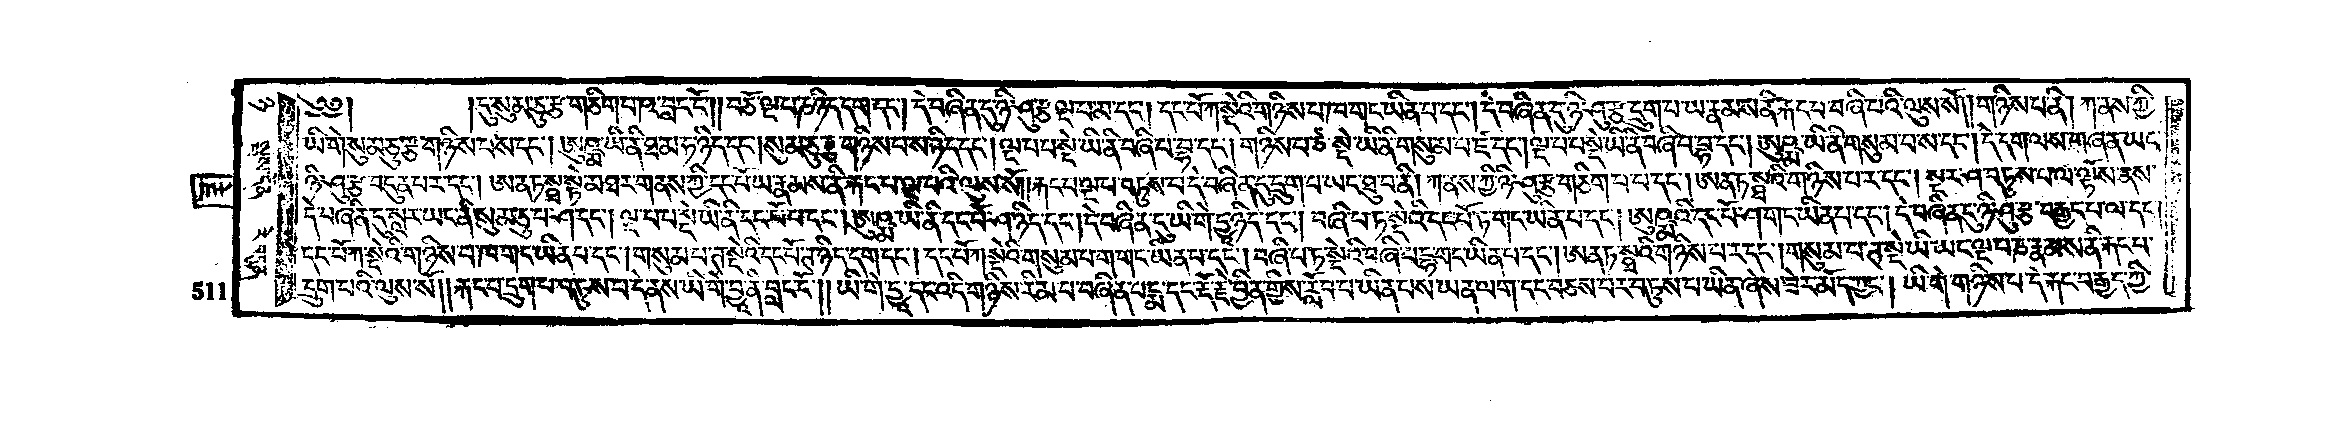༄༅། །དུ་སུམ་ཅུ་རྩ་གཅིག་པ་ཥ་བླང་ངོ། །བཅོ་ལྔ་པ་ཎ་ཉིད་དག་དང་། དེ་བཞིན་དུ་ཉི་ཤུ་རྩ་ལྔ་པ་མ་དང་། དང་པོ་ཀ་སྡེའི་གཉིས་པ་ཁ་གང་ཡིན་པ་དང་། དེ་བཞིན་དུ་ཉི་ཤུ་རྩ་དྲུག་པ་ཡ་རྣམས་ནི་རྐང་པ་བཞི་པའི་ལུས་སོ། །གཉིས་པ་ནི། ཀ་ནས་ཀྱི་
ཡི་གེ་སུམ་ཅུ་རྩ་གཉིས་པ་ས་དང་། ཨུཥྨ་ཡི་ནི་ཐ་མ་ཧ་ཉིད་དང་། སུམ་ཅུ་རྩ་གཉིས་པ་ས་ཉིད་དང་། ལྔ་པ་བ་སྡེ་ཡི་ནི་བཞི་པ་བྷ་དང་། གཉིས་པ་ཙ་སྡེ་ཡི་ནི་གསུམ་པ་ཛ་དང་། ལྔ་པ་པ་སྡེ་ཡི་ནི་བཞི་པ་བྷ་དང་། ཨུཥྨ་ཡི་ནི་གསུམ་པ་ས་དང་། དེ་དག་ལས་གཞན་ཡང་
ཉི་ཤུ་རྩ་བདུན་པར་དང་། ཨན་ཏ་སྠ་སྟེ་མཐར་གནས་ཀྱི་དང་པོ་ཡ་རྣམས་ནི་རྐང་པ་ལྔ་པའི་ལུས་སོ། །རྐང་པ་ལྔ་པ་བཏུས་པ་དེ་བཞིན་དུ་དྲུག་པ་ཡང་ཐུབ་ནི། ཀ་ནས་ཀྱི་ཉི་ཤུ་རྩ་གཅིག་པ་པ་དང་། ཨན་ཏ་སྠའི་གཉིས་པ་ར་དང་། སྔར་ཤ་བཏུས་པ་ལ་ལྟོས་ནས་
དེ་བཞིན་དུ་སླར་ཡང་ནི་སུམ་ཅུ་པ་ཤ་དང་། ལྔ་པ་པ་སྡེ་ཡི་ནི་དང་པོ་པ་དང་། ཨུཥྨ་ཡི་ནི་དང་པོ་ཤ་ཉིད་དང་། དེ་བཞིན་དུ་ཡི་གེ་དྱཱ་ཉིད་དང་། བཞི་པ་ཏ་སྡེའི་དང་པོ་ཏ་གང་ཡིན་པ་དང་། ཨུཥྨའི་དང་པོ་ཤ་གང་ཡིན་པ་དང་། དེ་བཞིན་དུ་ཉི་ཤུ་རྩ་བརྒྱད་པ་ལ་དང་།
དང་པོ་ཀ་སྡེའི་གཉིས་པ་ཁ་གང་ཡིན་པ་དང་། གསུམ་པ་ཊ་སྡེའི་དང་པོ་ཊ་ཉིད་དག་དང་། དང་པོ་ཀ་སྡེའི་གསུམ་པ་ག་གང་ཡིན་པ་དང་། བཞི་པ་ཏ་སྡེའི་བཞི་པ་དྷ་གང་ཡིན་པ་དང་། ཨན་ཏ་སྠའི་གཉིས་པ་ར་དང་། གསུམ་པ་ཊ་སྡེ་ཡི་ཡང་ལྔ་པ་ཎ་རྣམས་ནི་རྐང་པ་
དྲུག་པའི་ལུས་སོ། །རྐང་པ་དྲུག་པ་བཏུས་པ་དེ་ནས་ཡི་གེ་བྱཱ་ནི་བླང་ངོ། །ཡི་གེ་དྱཱ་དང་འདི་གཉིས་རིམ་པ་བཞིན་པདམ་དང་རྡོ་རྗེ་བྱིན་གྱིས་རློབ་པ་ཡིན་པས་ཡན་ལག་དང་བཅས་པར་བཏུས་པ་ཡིན་ཞེས་ཟེར་མོད་ཀྱང་། ཡི་གེ་གཉིས་པ་དེ་རྐང་བརྒྱད་ཀྱི་